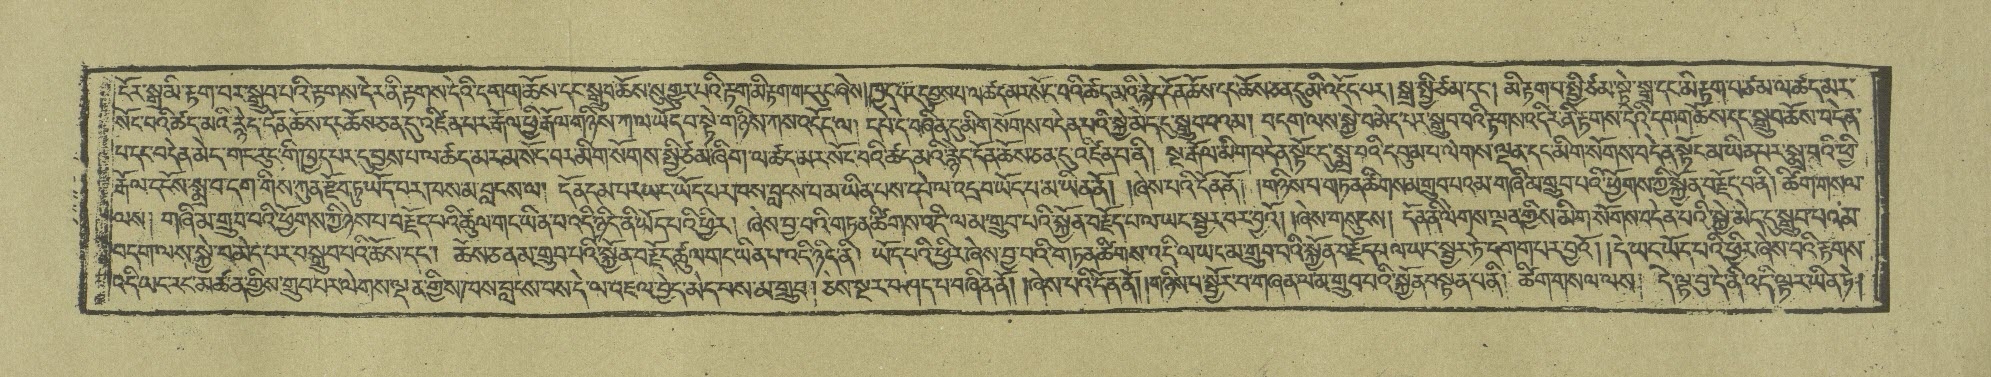ངོར་སྒྲ་མི་རྟག་པར་སྒྲུབ་པའི་རྟགས་དེར་ནི་རྟགས་དེའི་དགག་ཆོས་དང་སྒྲུབ་ཆོས་སུ་གྱུར་པའི་རྟག་མི་རྟག་གང་རུང་གིས། ཁྱད་པར་དུ་བྱས་པ་ལ་ཚད་མར་སོང་བའི་ཚད་མའི་རྙེད་དོན་ཆོས་དང་ཆོས་ཅན་དུ་མི་འདོད་པར། སྒྲ་སྤྱི་ཙམ་དང་། མི་རྟག་པ་སྤྱི་ཙམ་སྟེ་སྒྲ་དང་མི་རྟག་པ་ཙམ་ལ་ཚད་མར་
སོང་བའི་ཚད་མའི་རྙེད་དོན་ཆོས་དང་ཆོས་ཅན་དུ་འཛིན་པར་རྒོལ་ཕྱི་རྒོལ་གཉིས་ཀ་ལ་ཡོད་པ་སྟེ་གཉིས་ཀས་འདོད་ལ། དཔེ་དེ་བཞིན་དུ་མིག་སོགས་བདེན་པའི་སྐྱེ་མེད་དུ་སྒྲུབ་པའམ། བདག་ལས་སྐྱེ་བ་མེད་པར་སྒྲུབ་པའི་རྟགས་འདིར་ནི་རྟགས་དེའི་དགག་ཆོས་དང་སྒྲུབ་ཆོས་བདེན་
པ་དང་བདེན་མེད་གང་རུང་གི་ཁྱད་པར་དུ་བྱས་པ་ལ་ཚད་མར་མ་སོང་བར་མིག་སོགས་སྤྱི་ཙམ་ཞིག་ལ་ཚད་མར་སོང་བའི་ཚད་མའི་རྙེད་དོན་ཆོས་ཅན་དུ་འཛིན་པ་ནི། སྔ་རྒོལ་མིག་བདེན་སྟོང་དུ་སྨྲ་བའི་དབུ་མ་པ་ལེགས་ལྡན་དང་མིག་སོགས་བདེན་སྟོང་མ་ཡིན་པར་སྨྲ་བའི་ཕྱི་
རྒོལ་དངོས་སྨྲ་བ་དག་གིས་ཀུན་རྫོབ་ཏུ་ཡོད་པར་ཁས་མ་བླངས་ལ། དོན་དམ་པར་ཡང་ཡོད་པར་ཁས་བླངས་པ་མ་ཡིན་པས་དཔེ་ལ་འདྲ་བ་ཡོད་པ་མ་ཡིན་ནོ། །ཞེས་པའི་དོན་ནོ། །གཉིས་པ་གཏན་ཚིགས་མ་གྲུབ་པའམ་གཞི་མ་གྲུབ་པའི་ཕྱོགས་ཀྱི་སྐྱོན་བརྗོད་པ་ནི། ཚིག་གསལ་
ལས། གཞི་མ་གྲུབ་པའི་ཕྱོགས་ཀྱི་ཉེས་པ་བརྗོད་པའི་ཚུལ་གང་ཡིན་པ་འདི་ཉིད་ནི་ཡོད་པའི་ཕྱིར། ཞེས་བྱ་བའི་གཏན་ཚིགས་འདི་ལ་མ་གྲུབ་པའི་སྐྱོན་བརྗོད་པ་ལ་ཡང་སྦྱར་བར་བྱའོ། །ཞེས་གསུངས། དོན་ནི་ལེགས་ལྡན་གྱིས་མིག་སོགས་བདེན་པའི་སྐྱེ་མེད་དུ་སྒྲུབ་པའམ་
བདར་ལས་སྐྱེ་བ་མེད་པར་བསྒྲུབ་པའི་ཆོས་དང་། ཆོས་ཅན་མ་གྲུབ་པའི་སྐྱོན་བརྗོད་ཚུལ་གང་ཡིན་པ་འདི་ཉིད་ནི། ཡོད་པའི་ཕྱིར་ཞེས་བྱ་བའི་གཏན་ཚིགས་འདི་ལ་ཡང་མ་གྲུབ་པའི་སྐྱོན་བརྗོད་པ་ལ་ཡང་སྦྱར་ཏེ་དགག་པར་བྱའོ། །དེ་ཡང་ཡོད་པའི་ཕྱིར་ཞེས་པའི་རྟགས་
འདི་ཡང་རང་མཚན་གྱིས་གྲུབ་པར་ལེགས་ལྡན་གྱིས་ཁས་བླངས་པས་དེ་ལ་འཇལ་བྱེད་མེད་པས་མ་གྲུབ། ཅེས་སྔར་བཤད་པ་བཞིན་ནོ། །ཞེས་པའི་དོན་ནོ། །གཉིས་པ་སྦྱོར་བ་གཞན་ལ་མ་གྲུབ་པའི་སྐྱོན་བསྟན་པ་ནི། ཚིག་གསལ་ལས། དེ་ལྟ་བུ་དེ་ནི་འདི་ལྟར་ཡིན་ཏེ།